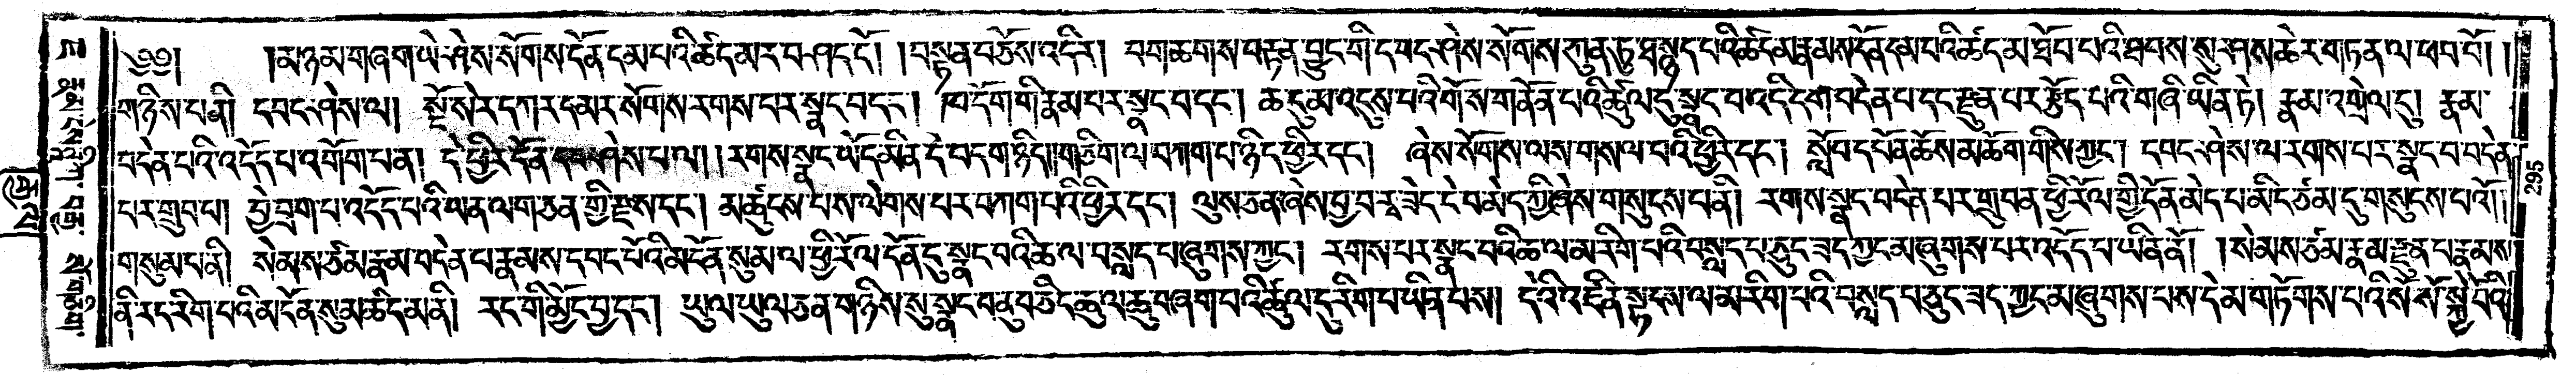༄༅། །མཉམ་གཞག་ཡེ་ཤེས་སོགས་དོན་དམ་པའི་ཚད་མར་བཤད་དོ། །བསྟན་བཅོས་འདིར། བག་ཆགས་བརྟན་བྱུང་གི་དབང་ཤེས་སོགས་ཀུན་ཏུ་ཐ་སྙད་པའི་ཚད་མ་རྣམས་དོན་དམ་པའི་ཚད་མ་ཐོབ་པའི་ཐབས་སུ་ཤས་ཆེར་གཏན་ལ་ཕབ་བོ། །
གཉིས་པ་ནི། དབང་ཤེས་ལ། སྔོ་སེར་དཀར་དམར་སོགས་རགས་པར་སྣང་བ་དང་། ཁ་དོག་གི་རྣམ་པར་སྣང་བ་དང་། ཆ་དུ་མ་འདུས་པའི་གོ་ས་གནོན་པའི་ཚུལ་དུ་སྣང་བ་འདི་དག་བདེན་པ་དང་རྫུན་པར་རྩོད་པའི་གཞི་ཡིན་ཏེ། རྣམ་འགྲེལ་དུ། རྣམ་
བདེན་པའི་འདོད་པ་འགོག་པ་ན། དེ་ཕྱིར་དོན་དང་ཤེས་པ་ལ། །རགས་སྣང་ཡོད་མིན་དེ་བདག་ཉིད། །གཅིག་ལ་བཀག་པ་ཉིད་ཕྱིར་དང་། ཞེས་སོགས་ལས་གསལ་བའི་ཕྱིར་དང་། སློབ་དཔོན་ཆོས་མཆོག་གིས་ཀྱང་། དབང་ཤེས་ལ་རགས་པར་སྣང་བ་བདེན་
པར་གྲུབ་པ། བྱེ་བྲག་པ་འདོད་པའི་ཡན་ལག་ཅན་གྱི་རྫས་དང་། མཚུངས་པས་ལེགས་པར་བཀག་པའི་ཕྱིར་དང་། ལུས་ཅན་ཞེས་བྱ་བ་རྭ་ཟེད་ངེ་བ་མེད་ཀྱི་ཞེས་གསུངས་པ་ནི། རགས་སྣང་བདེན་པར་གྲུབ་ན་ཕྱི་རོལ་གྱི་དོན་མེད་པ་མིང་ཙམ་དུ་གསུངས་པའོ།།
གསུམ་པ་ནི། སེམས་ཙམ་རྣམ་བདེན་པ་རྣམས་དབང་པོའི་མངོན་སུམ་ལ་ཕྱི་རོལ་དོན་དུ་སྣང་བའི་ཆ་ལ་བསླད་པ་ཞུགས་ཀྱང་། རགས་པར་སྣང་བའི་ཆ་ལ་མ་རིག་པའི་བསླད་པ་ཅུང་ཟད་ཀྱང་མ་ཞུགས་པར་འདོད་པ་ཡིན་ནོ། །སེམས་ཙམ་རྣམ་རྫུན་པ་རྣམས་
ནི་རང་རིག་པའི་མངོན་སུམ་ཚད་མ་ནི། རང་གི་མྱོང་བྱ་དང་། ཡུལ་ཡུལ་ཅན་གཉིས་སུ་སྣང་བ་ནུབ་ཅིང་ཆུ་ལ་ཆུ་བཞག་པའི་ཚུལ་དུ་རིག་པ་ཡིན་པས། དེའི་འཛིན་སྟངས་ལ་མ་རིག་པའི་བསླད་པ་ཅུང་ཟད་ཀྱང་མ་ཞུགས་པས་དེ་མ་གཏོགས་པའི་སོ་སོ་སྐྱེ་བོའི་